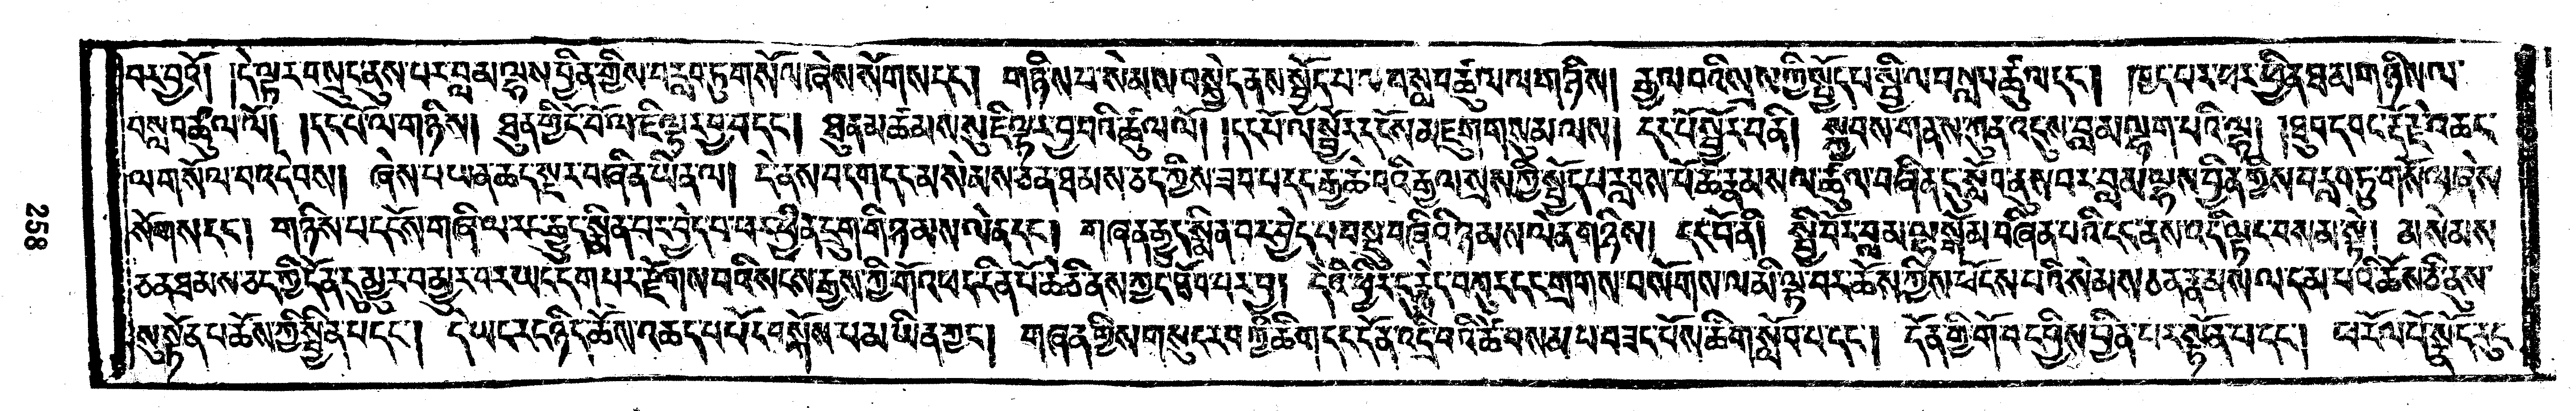བར་བྱའོ། །དེ་ལྟར་བསྲུང་ནུས་པར་བླ་མ་ལྷས་བྱིན་གྱིས་བརླབ་ཏུ་གསོལ་ཞེས་སོགས་དང་། གཉིས་པ་སེམས་བསྐྱེད་ནས་སྤྱོད་པ་ལ་བསླབ་ཚུལ་ལ་གཉིས། རྒྱལ་བའི་སྲས་ཀྱི་སྤྱོད་པ་སྦྱི་ལ་བསླབ་ཚུལ་དང་། ཁྱད་པར་ཕར་ཕྱིན་ཐ་མ་གཉིས་ལ་
བསླབ་ཚུལ་ལོ། །དང་པོ་ལ་གཉིས། ཐུན་གྱི་ངོ་བོ་ལ་ཇི་ལྟར་བྱ་བ་དང་། ཐུན་མཚམས་སུ་ཇི་ལྟར་བྱ་བའི་ཚུལ་ལོ། །དང་པོ་ལ་སྦྱོར་དངོས་མཇུག་གསུམ་ལས། དང་པོ་སྦྱོར་བ་ནི། སྐྱབས་གནས་ཀུན་འདུས་བླ་མ་ལྷག་པའི་ལྷ། །ཐུབ་དབང་རྡོ་རྗེ་འཆང་
ལ་གསོལ་བ་འདེབས། ཞེས་པ་ཡན་ཆད་སྔར་བཞིན་ཡིན་ལ། དེ་ནས་བདག་དང་མ་སེམས་ཅན་ཐམས་ཅད་ཀྱིས་ཟབ་པ་དང་རྒྱ་ཆེ་བའི་རྒྱལ་སྲས་ཀྱི་སྤྱོད་པ་རླབས་པོ་ཆེ་རྣམས་ལ་ཚུལ་བཞིན་དུ་སློབ་ནུས་བར་བླ་མ་ལྷས་བྱིན་གྱིས་བརླབ་ཏུ་གསོལ་ཞེས་
སོགས་དང་། གཉིས་པ་དངོས་གཞི་ལ་རང་རྒྱུད་སྨིན་པར་བྱེད་པ་ཕར་ཕྱིན་དྲུག་གི་ཉམས་ལེན་དང་། གཞན་རྒྱུད་སྨིན་པར་བྱེད་པ་བསྡུ་བཞིའི་ཉམས་ལེན་གཉིས། དང་པོ་ནི། སྤྱི་བོར་བླ་མ་ལྷ་སྒོམ་བཞིན་པའི་ངང་ནས་འདི་ལྟར་བསམ་སྟེ། མ་སེམས་
ཅན་ཐམས་ཅད་ཀྱི་དོན་དུ་མྱུར་བ་མྱུར་བར་ཡང་དག་པར་རྫོགས་པའི་སངས་རྒྱས་ཀྱི་གོ་འཕང་རིན་པོ་ཆེ་ཅི་ནས་ཀྱང་ཐོབ་པར་བྱ། དེའི་ཕྱིར་དུ་རྙེད་བཀུར་དང་གྲགས་པ་སོགས་ལ་མི་ལྟ་བར་ཆོས་ཀྱིས་ཕོངས་པའི་སེམས་ཅན་རྣམས་ལ་དམ་པའི་ཆོས་ཅི་ནུས་
སུ་སྟོན་པ་ཆོས་ཀྱི་སྦྱིན་པ་དང་། དེ་ཡང་རང་ཉིད་ཆོས་འཆད་པ་པོར་བསྐོས་པ་མ་ཡིན་ཀྱང་། གཞན་གྱིས་གསུང་རབ་ཀྱི་ཚིག་དང་དོན་འདྲི་བའི་ཚེ་བསམ་པ་བཟང་པོས་ཚིག་སློབ་པ་དང་། དོན་གྱི་གོ་བ་དབྱིས་བྱིན་པར་སྟོན་པ་དང་། ཕ་རོལ་པོ་སྣོད་རུང་